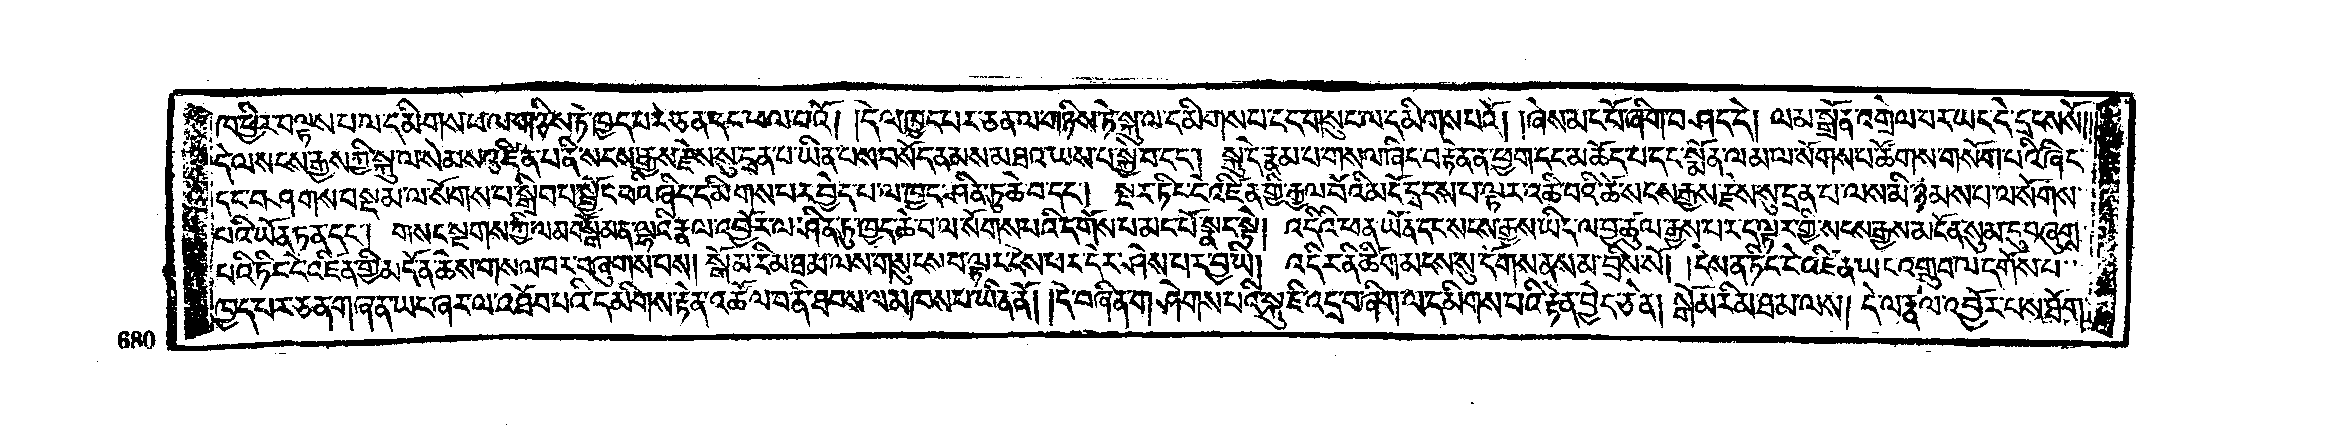ཁ་ཕྱིར་བལྟས་པ་ལ་དམིགས་པ་ལ་གཉིས་ཏེ་ཁྱད་པར་ཅན་དང་ཕལ་པའོ། །དེ་ལ་ཁྱད་པར་ཅན་ལ་གཉིས་ཏེ་སྐུ་ལ་དམིགས་པ་དང་གསུང་ལ་དམིགས་པའོ། །ཞེས་མང་པོ་ཞིག་བཤད་དེ། ལམ་སྒྲོན་འགྲེལ་པར་ཡང་དེ་དྲངས་སོ། །
དེ་ལ་སངས་རྒྱས་ཀྱི་སྐུ་ལ་སེམས་འཛིན་པ་ནི་སངས་རྒྱས་རྗེས་སུ་དྲན་པ་ཡིན་པས་བསོད་ནམས་མཐའ་ཡས་པ་སྐྱེ་བ་དང་། སྐུ་དེ་རྣམ་པ་གསལ་ཞིང་བརྟན་ན་ཕྱག་དང་མཆོད་པ་དང་སྨོན་ལམ་ལ་སོགས་པ་ཚོགས་གསོག་པའི་ཞིང་
དང་བཤགས་བསྡམ་ལ་སོགས་པ་སྒྲིབ་པ་སྦྱོང་བའི་ཞིང་དམིགས་པར་བྱེད་པ་ལ་ཁྱད་ཤིན་ཏུ་ཆེ་བ་དང་། སྔར་ཏིང་ངེ་འཛིན་གྱི་རྒྱལ་པོའི་མདོ་དྲངས་པ་ལྟར་འཆི་བའི་ཚེ་སངས་རྒྱས་རྗེས་སུ་དྲན་པ་ལས་མི་ཉམས་པ་ལ་སོགས་
པའི་ཡོན་ཏན་དང་། གསང་སྔགས་ཀྱི་ལམ་བསྒོམ་ན་ལྷའི་རྣལ་འབྱོར་ལ་ཤིན་ཏུ་ཁྱད་ཆེ་བ་ལ་སོགས་པའི་དགོས་པ་མང་པོ་སྣང་སྟེ། འདིའི་ཕན་ཡོན་དང་སངས་རྒྱས་ཡིད་ལ་བྱ་ཚུལ་རྒྱས་པར་ད་ལྟར་གྱི་སངས་རྒྱས་མངོན་སུམ་དུ་བཞུགས་
པའི་ཏིང་ངེ་འཛིན་གྱི་མདོ་ན་ཆེས་གསལ་བར་བཞུགས་པས། སྒོམ་རིམ་ཐ་མ་ལས་གསུངས་པ་ལྟར་ངེས་པར་དེར་ཤེས་པར་བྱ་ཡི། འདིར་ནི་ཚིག་མངས་སུ་དོགས་ནས་མ་བྲིས་སོ། །དེས་ན་ཏིང་ངེ་འཛིན་ཡང་འགྲུབ་ལ་དགོས་པ་
ཁྱད་པར་ཅན་གཞན་ཡང་ཞར་ལ་འཐོབ་པའི་དམིགས་རྟེན་འཚོལ་བ་ནི་ཐབས་ལ་མཁས་པ་ཡིན་ནོ། །དེ་བཞིན་གཤེགས་པའི་སྐུ་ཇི་འདྲ་བ་ཞིག་ལ་དམིགས་པའི་རྟེན་བྱེད་ཅེ་ན། སྒོམ་རིམ་ཐ་མ་ལས། དེ་ལ་རྣལ་འབྱོར་པས་ཐོག་